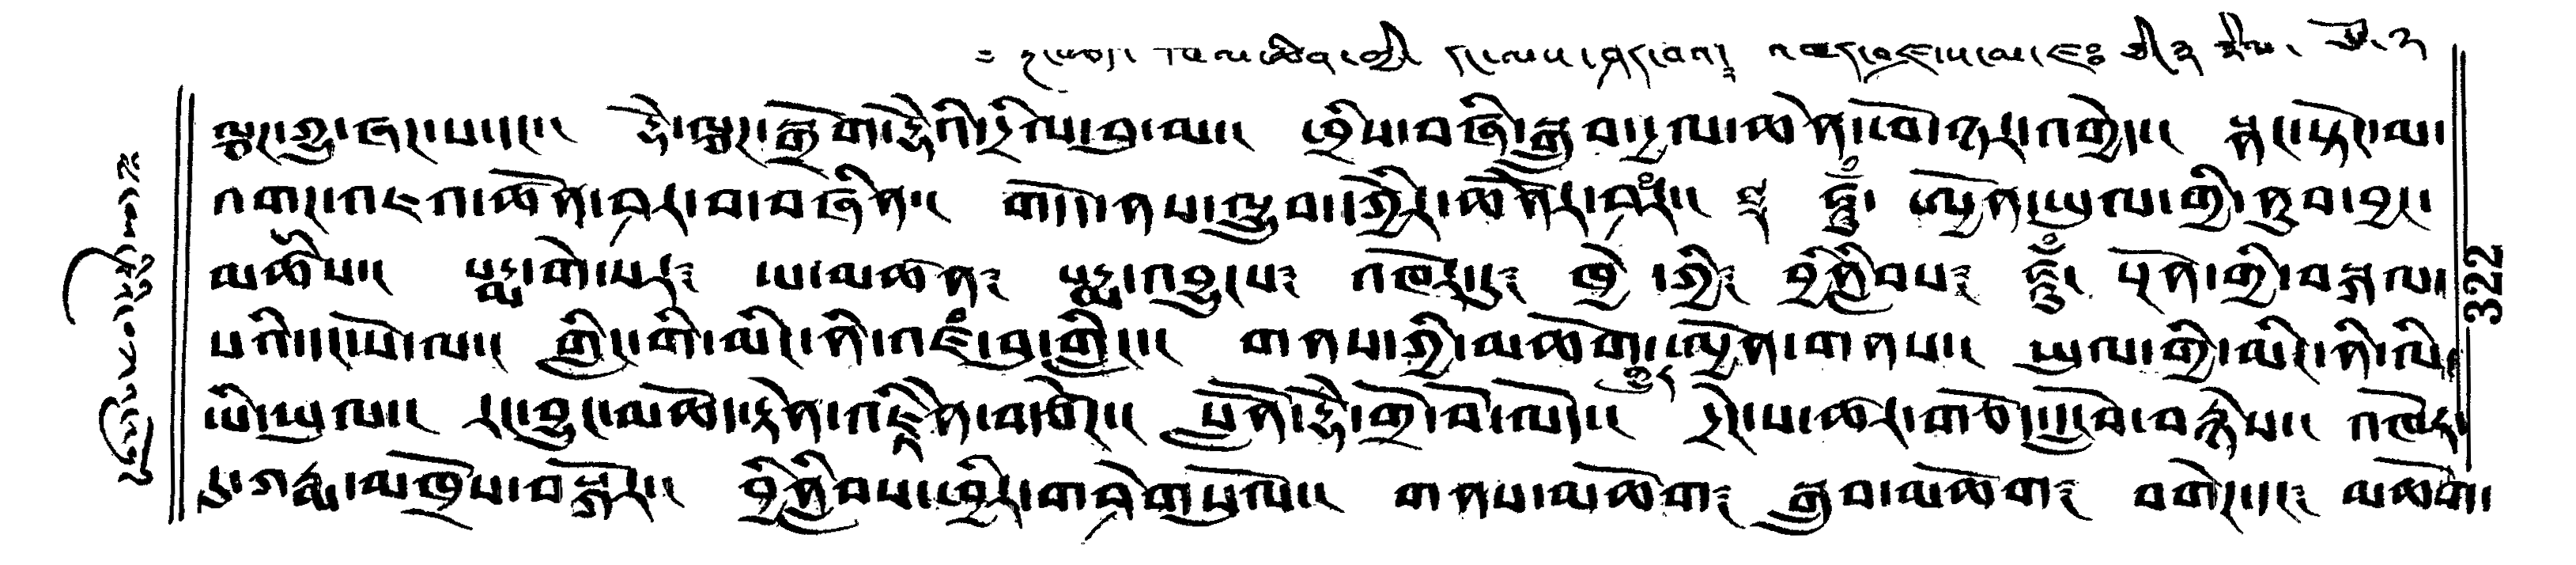ལྕགས་ཀྱུ་ཞགས་པ་དང་། །རྡོ་རྗེ་ལྕགས་སྒྲོག་རྡོ་རྗེའི་དྲིལ་བུ་མ། །ཕྲིན་ལས་བཞི་སྒྲུབ་རྒྱལ་ཆེན་ཕོ་ཉར་འགྱེད། །སྣང་སྟོང་མ་
འགགས་འཇའ་ཚོན་ཤར་བ་བཞིན། །གདོད་ནས་ལྷུན་གྲུབ་དཀྱིལ་འཁོར་ཆེན་པོར་ཤར། ཧཱུྃ། ཨོ་རྒྱན་ཡུལ་གྱི་ནུབ་བྱང་
མཚམས། །པདྨ་གེ་སར༴ ཡ་མཚན༴ པདྨ་འབྱུངས༴ འཁོར་དུ༴ ཁྱེད་ཀྱི༴ བྱིན་གྱིས་རླབས༴ ཧཱུྃ། སྔོན་གྱི་བསྐལ་
པའི་དང་པོ་ལ། །གླིང་གི་མིང་ནི་འཛམ་བུ་གླིང་། །གནས་ཀྱི་མཆོག་གྱུར་ཨོ་རྒྱན་གནས། །ཡུལ་གྱི་མིང་ནི་ལི་
ཡི་ཡུལ། །རང་བྱུང་མཆོད་རྟེན་འཇིག་རྟེན་བརྩེགས། །སློབ་དཔོན་རྡོ་རྗེ་གྲོ་བོ་ལོད། །དྲེགས་པ་ཚར་གཅོད་དངོས་གྲུབ་བརྙེས། །འཁོར་
དུ་ཀརྨ་མཁའ་འགྲོས་བསྐོར། །བྱིན་གྱིས་རླབས་ཕྱིར་གཤེགས་སུ་གསོལ། །གནས་མཆོག༴ སྒྲུབ་མཆོག༴ བགེགས་དང༴ མཆོག